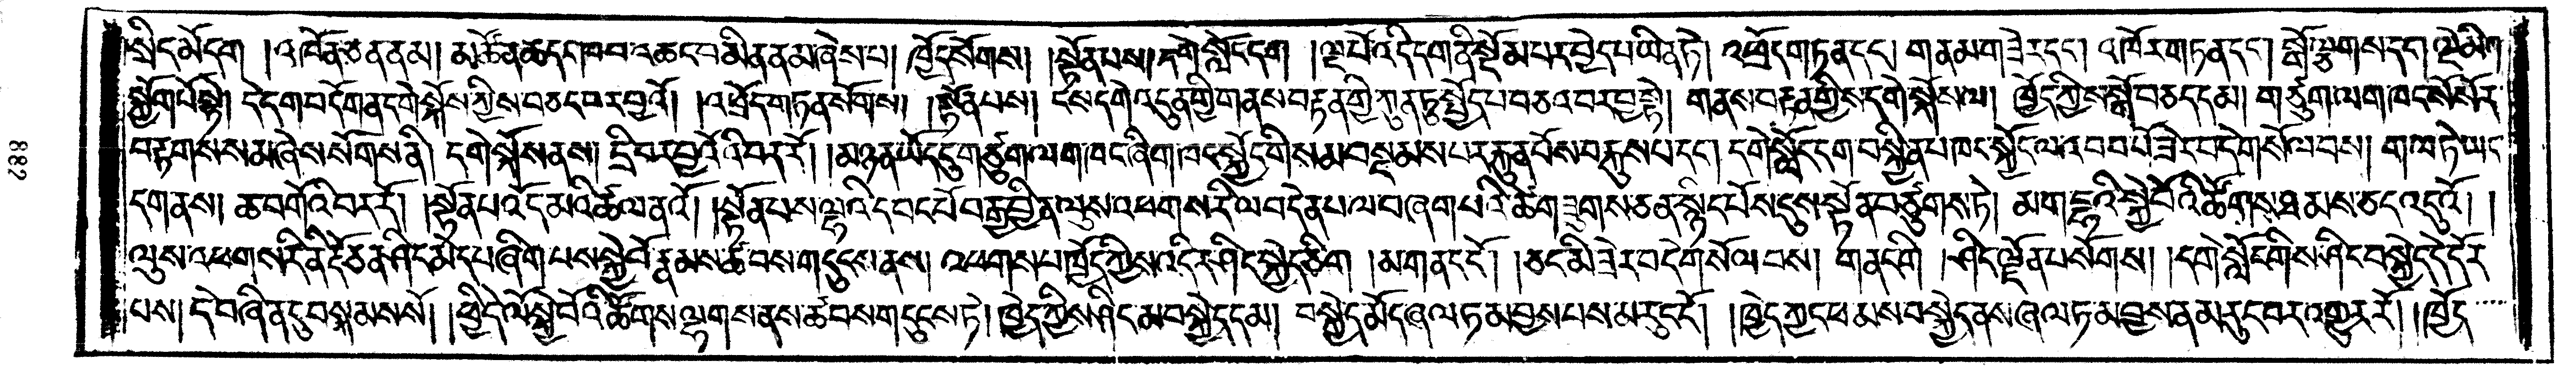སྲིད་མདོག །འཁོན་ཅན་ནམ། མཚོན་ཆ་དང་ཁབ་འཆང་བ་མིན་ནམ་ཞེས་པ། ཁྱོད་སོགས། །སྟོན་པས། དགེ་སློང་དག །ལྔ་པོ་འདི་དག་ནི་སྡོམ་པར་བྱེད་པ་ཡིན་ཏེ། འཕྲོད་གཏན་དང་། གནམ་གཟེར་དང་། འཁོར་གཏན་དང་། སྒོ་ལྕགས་དང་། ལྡེ་མིག་
སྐྱོག་པོ་སྟེ། དེ་དག་བདོག་ན་དགེ་སྐོས་ཀྱིས་བཅང་བར་བྱའོ། །འཕྲོད་གཏན་སོགས། །སྟོན་པས། ངས་དགེ་འདུན་གྱི་གནས་བརྟན་གྱི་ཀུན་ཏུ་སྤྱོད་པ་བཅའ་བར་བྱ་སྟེ། གནས་བརྟན་གྱིས་དགེ་སྐོས་ལ། ཁྱོད་ཀྱིས་སྒོ་བཅད་དམ། གཙུག་ལག་ཁང་སོ་སོར་
བརྟགས་སམ་ཞེས་སོགས་ནི། དགེ་སྐོས་ནས། དྲི་བར་བྱའོའི་བར་རོ། །མཉན་ཡོད་དུ་གཙུག་ལག་ཁང་ཞིག་ཁང་སྐྱོང་གིས་མ་བསྡམས་པར་རྐུན་བོས་བརྐུས་པ་དང་། དགེ་སློང་དག་བསྐྱིན་པ་ཁང་སྐྱོང་ལ་འབབ་པོ་ཟེར་བ་དེ་གསོལ་བས། གལ་ཏེ་ཡང་
དག་ནས། ཆ་བགོའི་བར་རོ། །སྟོན་པ་འོད་མའི་ཚལ་ནའོ། །སྟོན་པས་ལྷའི་དབང་པོ་བརྒྱ་བྱིན་ལུས་འཕགས་རིལ་བདེན་པ་ལ་བཞག་པའི་ཚེ་གཟུགས་ཅན་སྙིང་པོས་དུས་སྟོན་བཙུགས་ཏེ། མག་དྷའི་སྐྱེ་བོའི་ཚོགས་ཐམས་ཅད་འདུའོ། །
ལུས་འཕགས་རི་ནི་རྡོ་ཅན་ཤིང་མེད་པ་ཞིག་པས་སྐྱེ་བོ་རྣམས་ཚ་བས་གདུངས་ནས། འཕགས་པ་ཁྱོད་ཀྱིས་འདིར་ཤིང་སྐྱེད་ཅིག །མ་གནང་ངོ། །ཅང་མི་ཟེར་བདེ་གསོལ་བས། གནང་གི །ཤིང་ལྗོན་པ་སོགས། །དགེ་སློང་གིས་ཤིང་བསྐྱེད་དེ་དོར་
པས། དེ་བཞིན་དུ་བསྐམས་སོ། །ཕྱི་དེ་ལོ་སྐྱེ་བོའི་ཚོགས་ལྷགས་ནས་ཚབས་གདུངས་ཏེ། ཁྱེད་ཀྱིས་ཤིང་མ་བསྐྱེད་དམ། བསྐྱེད་མོད་ཞལ་ཏམ་བྱས་པས་མ་རུང་ངོ། །ཁྱེད་ཀྱང་ཕ་མས་བསྐྱེད་ནས་ཞལ་ཏ་མ་བྱས་ན་མ་རུང་བར་འགྱུར་རོ། །ཁྱོད་